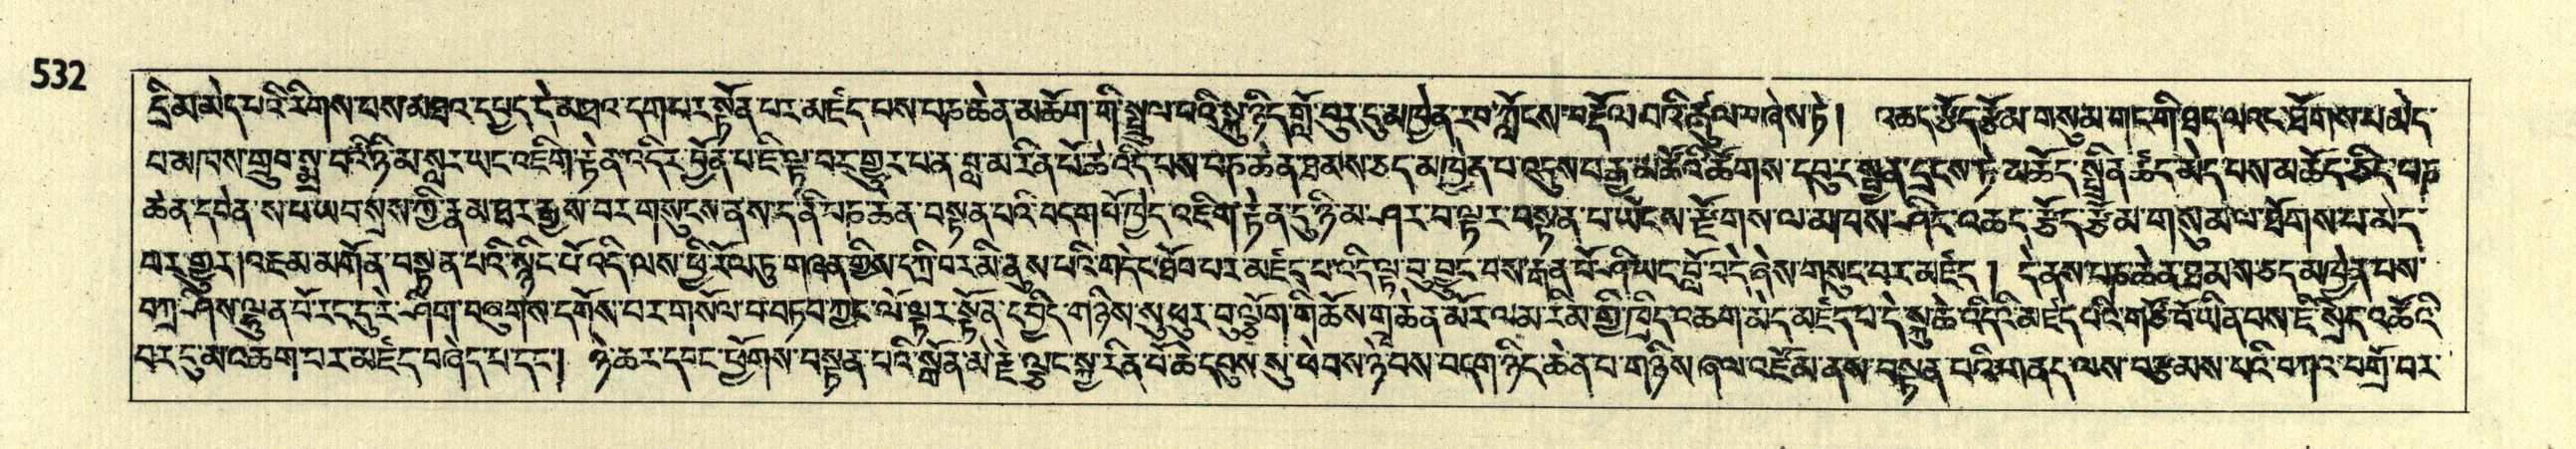དྲི་མ་མེད་པའི་རིགས་པས་མཐའ་དཔྱད་དེ་མཐའ་དག་པར་སྟོན་པར་མཛད་པས་པཎ་ཆེན་མཆོག་གི་སྤྲུལ་པའི་སྐུ་ཉིད་གློ་བུར་དུ་མཁྱེན་རབ་ཀློངས་བརྡོལ་བའི་ཚུལ་བཞེས་ཏེ། འཆད་རྩོད་རྩོམ་གསུམ་གང་གི་ཐད་ལའང་ཐོགས་པ་མེད་
པ་མཁས་གྲུབ་སྨྲ་བའི་ཉི་མ་སླར་ཡང་འཇིག་རྟེན་འདིར་བྱོན་པ་ཇི་ལྟ་བར་གྱུར་པ་ན་བླ་མ་རིན་པོ་ཆེ་འདི་པས་པཎ་ཆེན་ཐམས་ཅད་མཁྱེན་པ་འདུས་པ་རྒྱ་མཚོའི་ཚོགས་དབུར་སྤྱན་དྲངས་ཏེ་མཆོད་སྤྲིན་ཚད་མེད་པས་མཆོད་ཅིང་པཎ་
ཆེན་དབེན་ས་པ་ཡབ་སྲས་ཀྱི་རྣམ་ཐར་རྒྱས་བར་གསུངས་ནས་ད་ནི་པཎ་ཆེན་བསྟན་པའི་བདག་པོ་ཁྱེད་འཇིག་རྟེན་དུ་ཉི་མ་ཤར་བ་ལྟར་བསྟན་པ་ཡོངས་རྫོགས་ལ་མཁས་ཤིང་འཆད་རྩོད་རྩོམ་གསུམ་ལ་ཐོགས་པ་མེད་
བར་གྱུར། འཇམ་མགོན་བསྟན་པའི་སྙིང་པོ་འདི་ལས་ཕྱི་རོལ་ཏུ་གཞན་གྱིས་དཀྲི་བར་མི་ནུས་པའི་གདེང་ཐོབ་པར་མཛད་པ་འདི་ལྟ་བུ་བྱུང་བས་རྒན་པོ་ཤི་ཡང་བློ་བདེ་ཞེས་གསུང་བར་མཛད། དེ་ནས་པཎ་ཆེན་ཐམས་ཅད་མཁྱེན་པས་
བཀྲ་ཤིས་ལྷུན་པོ་རང་དུ་རེ་ཤིག་བཞུགས་དགོས་པར་གསོལ་བ་བཏབ་ཀྱང་ལོ་ལྟར་སྟོན་དཔྱིད་གཉིས་སུ་ཕུར་བུ་ལྕོག་གི་ཆོས་གྲྭ་ཆེན་མོར་ལམ་རིམ་གྱི་ཁྲིད་འཆག་མེད་མཛད་པ་དེ་སྐུ་ཚེ་འདིའི་མཛད་པའི་གཙོ་བོ་ཡིན་པས་ཇི་སྲིད་འཚོའི་
བར་དུ་མ་འཆག་པར་མཛད་བཞེད་པ་དང་། ཉེ་ཆར་དབང་ཕྱོགས་བསྟན་པའི་སྒོན་མེ་རྗེ་ལྕང་སྐྱ་རིན་པོ་ཆེ་དབུས་སུ་ཕེབས་ཉེ་བས་བདག་ཉིད་ཆེན་པ་གཉིས་ཞལ་འཛོམ་ནས་བསྟན་པའི་གནད་ལས་བརྩམས་པའི་བཀའ་བགྲོ་བར་